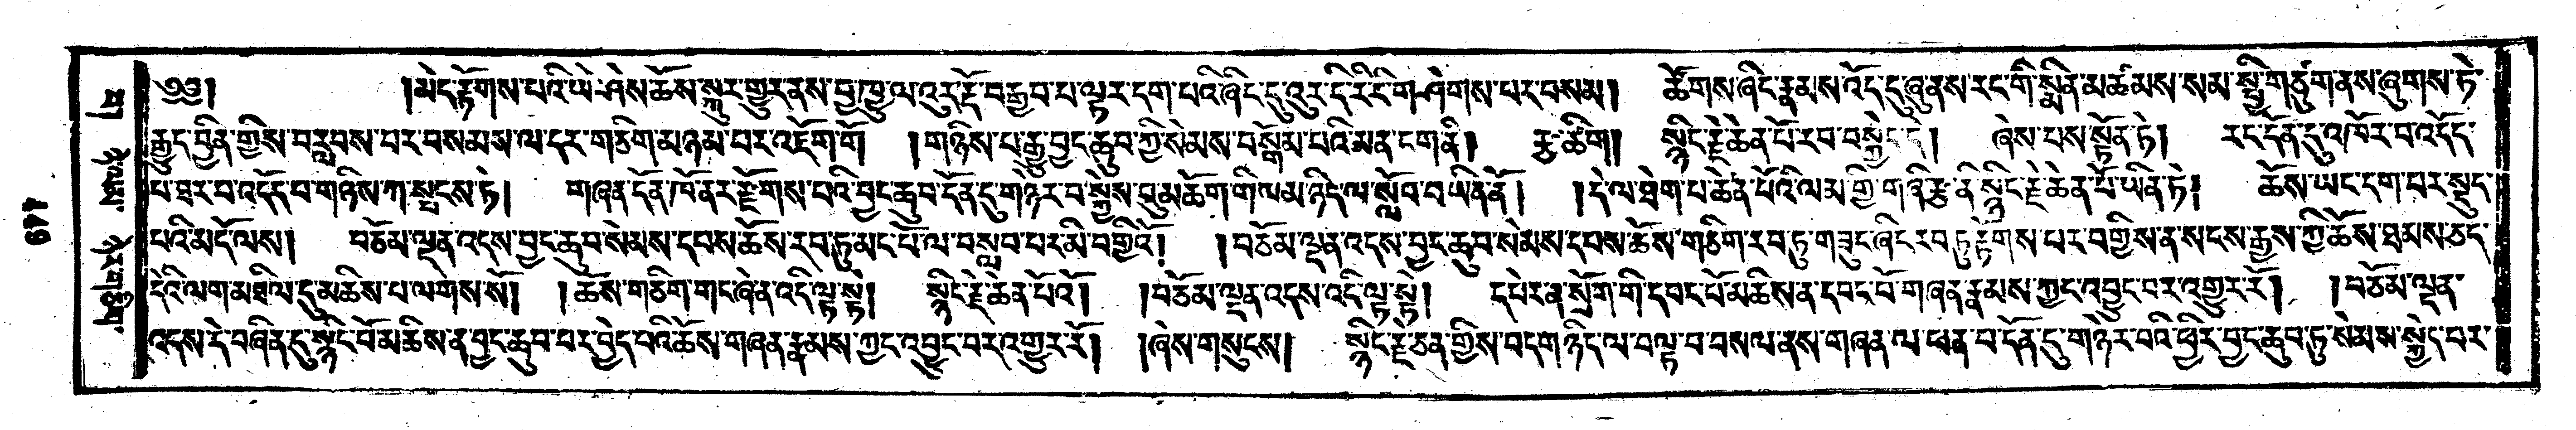༄༅། །མེད་རྟོགས་པའི་ཡེ་ཤེས་ཆོས་སྐུར་གྱུར་ནས་བྱ་ཁྱུ་ལ་འུར་རྡོ་བརྒྱབ་པ་ལྟར་དག་པའི་ཞིང་དུ་འུར་དི་རི་རི་གཤེགས་པར་བསམ། ཚོགས་ཞིང་རྣམས་འོད་དུ་ཞུ་ནས་རང་གི་སྨིན་མཚམས་སམ་སྤྱི་གཙུག་ནས་ཞུགས་ཏེ་
རྒྱུད་བྱིན་གྱིས་བརླབས་པར་བསམས་ལ་དར་གཅིག་མཉམ་པར་འཇོག་གོ། །གཉིས་པ་རྒྱུ་བྱང་ཆུབ་ཀྱི་སེམས་བསྒོམ་པའི་མན་ངག་ནི། རྩ་ཚིག། སྙིང་རྗེ་ཆེན་པོ་རབ་བསྐྱེད་དེ། ཞེས་པས་སྟོན་ཏེ། རང་དོན་དུ་འཁོར་བ་འདོད་
པ་ཐར་པ་འདོད་པ་གཉིས་ཀ་སྤངས་ཏེ། གཞན་དོན་ཁོ་ནར་རྫོགས་པའི་བྱང་ཆུབ་དོན་དུ་གཉེར་བ་སྐྱེས་བུ་མཆོག་གི་ལམ་ཉིད་ལ་སློབ་པ་ཡིན་ནོ། །དེ་ལ་ཐེག་པ་ཆེན་པོའི་ལམ་གྱི་གཞི་རྩ་ནི་སྙིང་རྗེ་ཆེན་པོ་ཡིན་ཏེ། ཆོས་ཡང་དག་པར་སྡུད་
པའི་མདོ་ལས། བཅོམ་ལྡན་འདས་བྱང་ཆུབ་སེམས་དཔས་ཆོས་རབ་ཏུ་མང་པོ་ལ་བསླབ་པར་མི་བགྱིའོ། །བཅོམ་ལྡན་འདས་བྱང་ཆུབ་སེམས་དཔས་ཆོས་གཅིག་རབ་ཏུ་གཟུང་ཞིང་རབ་ཏུ་རྟོགས་པར་བགྱིས་ན་སངས་རྒྱས་ཀྱི་ཆོས་ཐམས་ཅད་
དེའི་ལག་མཐིལ་དུ་མཆིས་པ་ལགས་སོ། །ཆོས་གཅིག་གང་ཞེ་ན་འདི་ལྟ་སྟེ། སྙིང་རྗེ་ཆེན་པོའོ། །བཅོམ་ལྡན་འདས་འདི་ལྟ་སྟེ། དཔེར་ན་སྲོག་གི་དབང་པོ་མཆིས་ན་དབང་པོ་གཞན་རྣམས་ཀྱང་འབྱུང་བར་འགྱུར་རོ། །བཅོམ་ལྡན་
འདས་དེ་བཞིན་དུ་སྙིང་པོ་མཆིས་ན་བྱང་ཆུབ་པར་བྱེད་པའི་ཆོས་གཞན་རྣམས་ཀྱང་འབྱུང་བར་འགྱུར་རོ། །ཞེས་གསུངས། སྙིང་རྗེ་ཅན་གྱིས་བདག་ཉིད་ལ་བལྟ་བ་བསལ་ནས་གཞན་ལ་ཕན་པ་དོན་དུ་གཉེར་བའི་ཕྱིར་བྱང་ཆུབ་ཏུ་སེམས་སྐྱེད་བར་